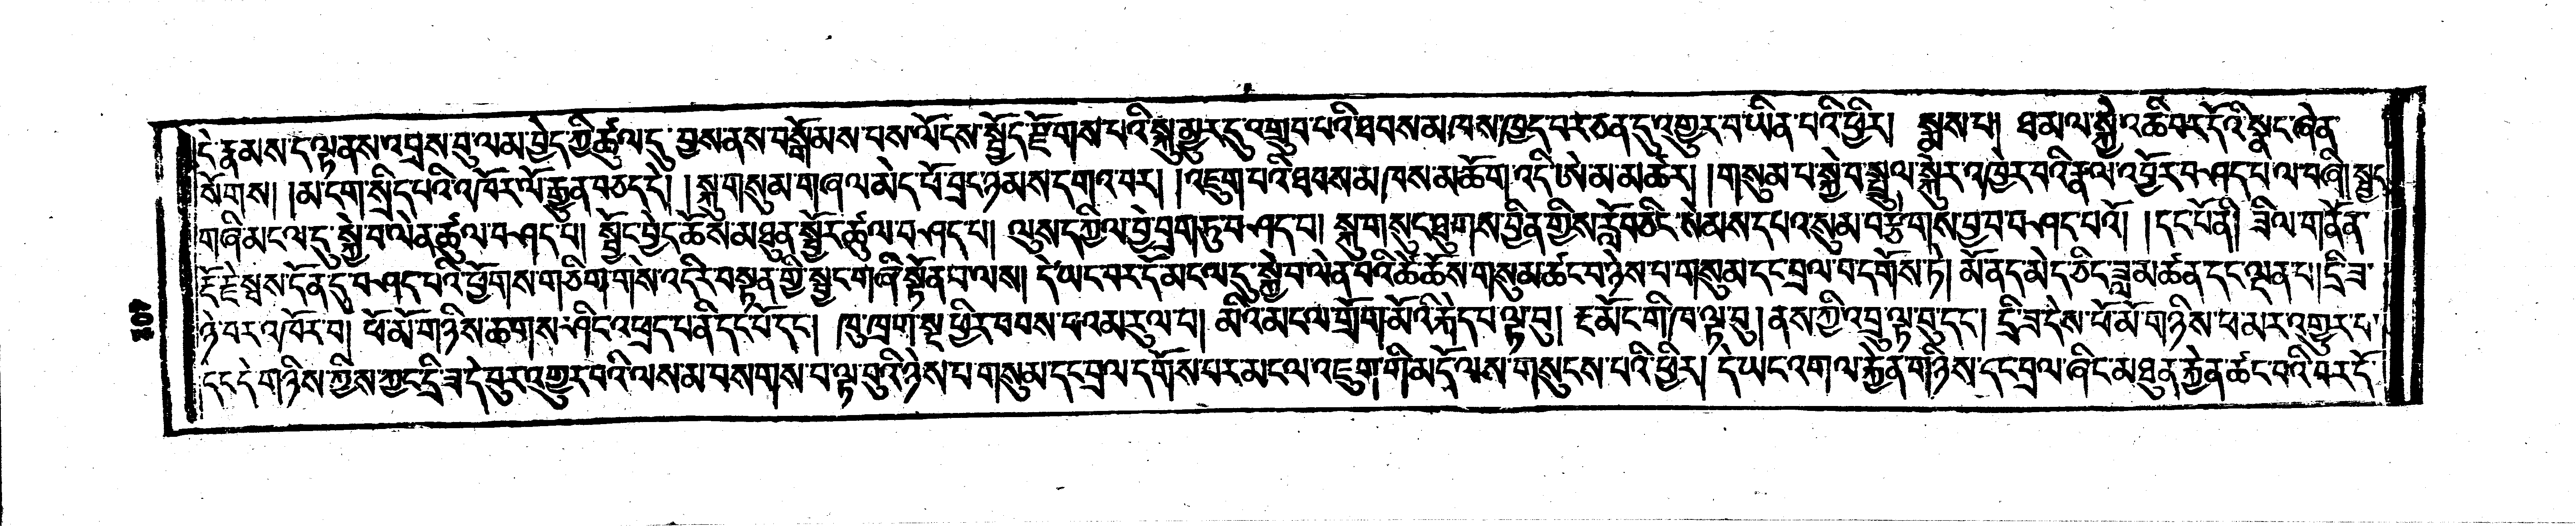དེ་རྣམས་ད་ལྟ་ནས་འབྲས་བུ་ལམ་བྱེད་ཀྱི་ཚུལ་དུ་བྱས་ནས་བསྒོམས་པས་ལོངས་སྤྱོད་རྫོགས་པའི་སྐུ་མྱུར་དུ་འགྲུབ་པའི་ཐབས་མཁས་ཁྱད་པར་ཅན་དུ་འགྱུར་བ་ཡིན་པའི་ཕྱིར། སྨྲས་པ། ཐ་མལ་སྐྱེ་འཆི་བར་དོའི་སྣང་ཞེན་
སོགས། །མ་དག་སྲིད་པའི་འཁོར་ལོ་རྒྱུན་བཅད་དེ། །སྐུ་གསུམ་གཞལ་མེད་ཕོ་བྲང་ཉམས་དགའ་བར། །འཇུག་པའི་ཐབས་མཁས་མཆོག་འདི་ཨེ་མ་མཚར། །གསུམ་པ་སྐྱེ་བ་སྤྲུལ་སྐུར་འཁྱེར་བའི་རྣལ་འབྱོར་བཤད་པ་ལ་བཞི། སྦྱང་
གཞི་མངལ་དུ་སྐྱེ་བ་ལེན་ཚུལ་བཤད་པ། སྦྱོང་བྱེད་ཆོས་མཐུན་སྤྱོད་ཚུལ་བཤད་པ། ལུས་དཀྱིལ་བྱེ་བྲག་ཏུ་བཤད་པ། སྐུ་གསུང་ཐུགས་བྱིན་གྱིས་རློབ་ཅིང་སེམས་དཔའ་སུམ་བརྩེགས་བྱ་བ་བཤད་པའོ། །དང་པོ་ནི། ཟིལ་གནོན་
རྡོ་རྗེ་སྦས་དོན་དུ་བཤད་པའི་ཕྱོགས་གཅིག་གིས་འདིར་བསྟན་གྱི་སྦྱང་གཞི་སྟོན་པ་ལས། དེ་ཡང་བར་དོ་མངལ་དུ་སྐྱེ་བ་ལེན་པའི་ཚེ་ཆོས་གསུམ་ཚང་བ་ཉེས་པ་གསུམ་དང་བྲལ་བ་དགོས་ཏེ། མོ་ནད་མེད་ཅིང་ཟླ་མཚན་དང་ལྡན་པ། དྲི་ཟ་
ཉེ་བར་འཁོར་བ། ཕོ་མོ་གཉིས་ཆགས་ཤིང་འཕྲད་པ་ནི་དང་པོ་དང་། ཁུ་ཁྲག་སྔ་ཕྱིར་བབས་པའམ་རུལ་བ། མའི་མངལ་གྲོག་མོའི་རྐིད་པ་ལྟ་བུ། རྔ་མོང་གི་ཁ་ལྟ་བུ། ནས་ཀྱི་འབྲུ་ལྟ་བུ་དང་། དྲི་ཟ་དེས་ཕོ་མོ་གཉིས་ཕ་མར་འགྱུར་བ་
དང་དེ་གཉིས་ཀྱིས་ཀྱང་དྲི་ཟ་དེ་བུར་འགྱུར་བའི་ལས་མ་བསགས་པ་ལྟ་བུའི་ཉེས་པ་གསུམ་དང་བྲལ་དགོས་པར་མངལ་འཇུག་གི་མདོ་ལས་གསུངས་པའི་ཕྱིར། དེ་ཡང་འགལ་རྐྱེན་གཉིས་དང་བྲལ་ཞིང་མཐུན་རྐྱེན་ཚང་བའི་བར་དོ་